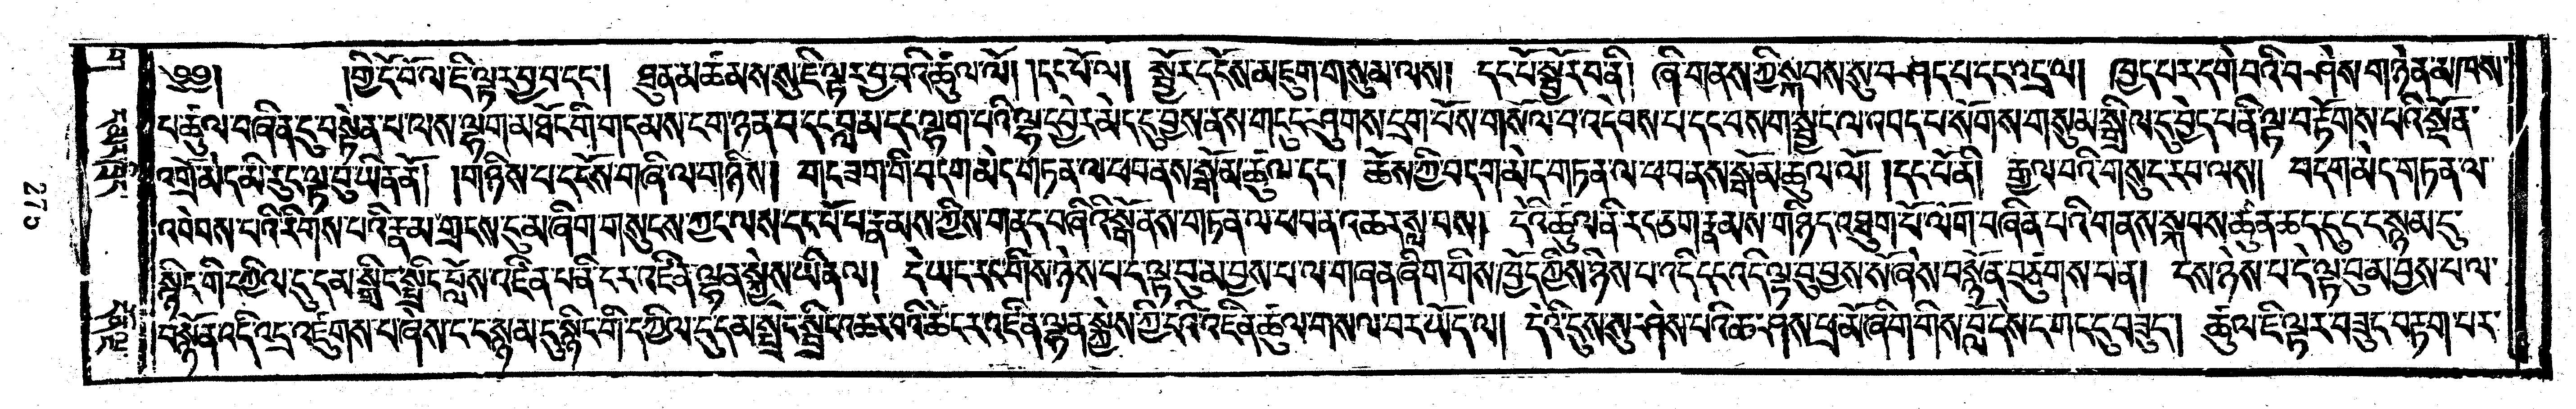༄༅། །གྱི་ངོ་བོ་ལ་ཇི་ལྟར་བྱ་བ་དང་། ཐུན་མཚམས་སུ་ཇི་ལྟར་བྱ་བའི་ཚུལ་ལོ། །དང་པོ་ལ། སྦྱོར་དངོས་མཇུག་གསུམ་ལས། དང་པོ་སྦྱོར་བ་ནི། ཞི་གནས་ཀྱི་སྐབས་སུ་བཤད་པ་དང་འདྲ་ལ། ཁྱད་པར་དགེ་བའི་བཤེས་གཉེན་མཁས་
པ་ཚུལ་བཞིན་དུ་བསྟེན་པ་ལས་ལྷག་མཐོང་གི་གདམས་ངག་ཉན་བ་དང་བླ་མ་དང་ལྷག་པའི་ལྷ་དབྱེར་མེད་དུ་བྱས་ནས་གདུང་ཤུགས་དྲག་པོས་གསོལ་བ་འདེབས་པ་དང་བསག་སྦྱང་ལ་འབད་པ་སོགས་གསུམ་སྒྲིལ་དུ་བྱེད་པ་ནི་ལྟ་བ་རྟོགས་པའི་སྔོན་
འགྲོ་མེད་མི་རུང་ལྟ་བུ་ཡིན་ནོ། །གཉིས་པ་དངོས་གཞི་ལ་གཉིས། གང་ཟག་གི་བདག་མེད་གཏན་ལ་ཕབ་ནས་སྒོམ་ཚུལ་དང་། ཆོས་ཀྱི་བདག་མེད་གཏན་ལ་ཕབ་ནས་སྒོམ་ཚུལ་ལོ། །དང་པོ་ནི། རྒྱལ་བའི་གསུང་རབ་ལས། བདག་མེད་གཏན་ལ་
འབེབས་པའི་རིགས་པའི་རྣམ་གྲངས་དུ་མ་ཞིག་གསུངས་ཀྱང་ལས་དང་པོ་པ་རྣམས་ཀྱིས་གནད་བཞིའི་སྒོ་ནས་གཏན་ལ་ཕབ་ན་འཆར་སླ་བས། དེའི་ཚུལ་ནི་རང་ཅག་རྣམས་གཉིད་འཐུག་པོ་ལོག་བཞིན་པའི་གནས་སྐབས་ཚུན་ཆད་དུ་ང་ང་སྙམ་དུ་
སྙིང་གི་དཀྱིལ་དུ་དམ་སྒྲིང་སྤྲིད་བློས་འཛིན་པ་ནི་ངར་འཛིན་ལྷན་སྐྱེས་ཡིན་ལ། དེ་ཡང་རང་གིས་ཉེས་པ་ད་ལྟ་བུ་མ་བྱས་པ་ལ་གཞན་ཞིག་གིས་ཁྱོད་ཀྱིས་ཉིས་པ་འདི་དང་འདི་ལྟ་བུ་བྱས་སོ་ཞེས་བསྙོན་བཙུགས་པ་ན། ངེས་ཉེས་པ་དེ་ལྟ་བུ་མ་བྱས་པ་ལ་
བསྙོན་འདི་འདྲ་འཛུགས་བ་ཞེས་ང་ང་སྙམ་དུ་སྙིང་གི་དཀྱིལ་དུ་དམ་སྤྲེང་སྦྲིང་འཆར་བའི་ཚེ་ངར་འཛིན་ལྷན་སྐྱེས་ཀྱི་ངའི་འཛིན་ཚུལ་གསལ་བར་ཡོད་ལ། དེའི་དུས་སུ་ཤེས་པའི་ཆ་ཤས་ཕྲ་མོ་ཞིག་གིས་བློ་དེས་ད་གང་དུ་བཟུང་། ཚུལ་ཇི་ལྟར་བཟུང་བརྟག་པར་